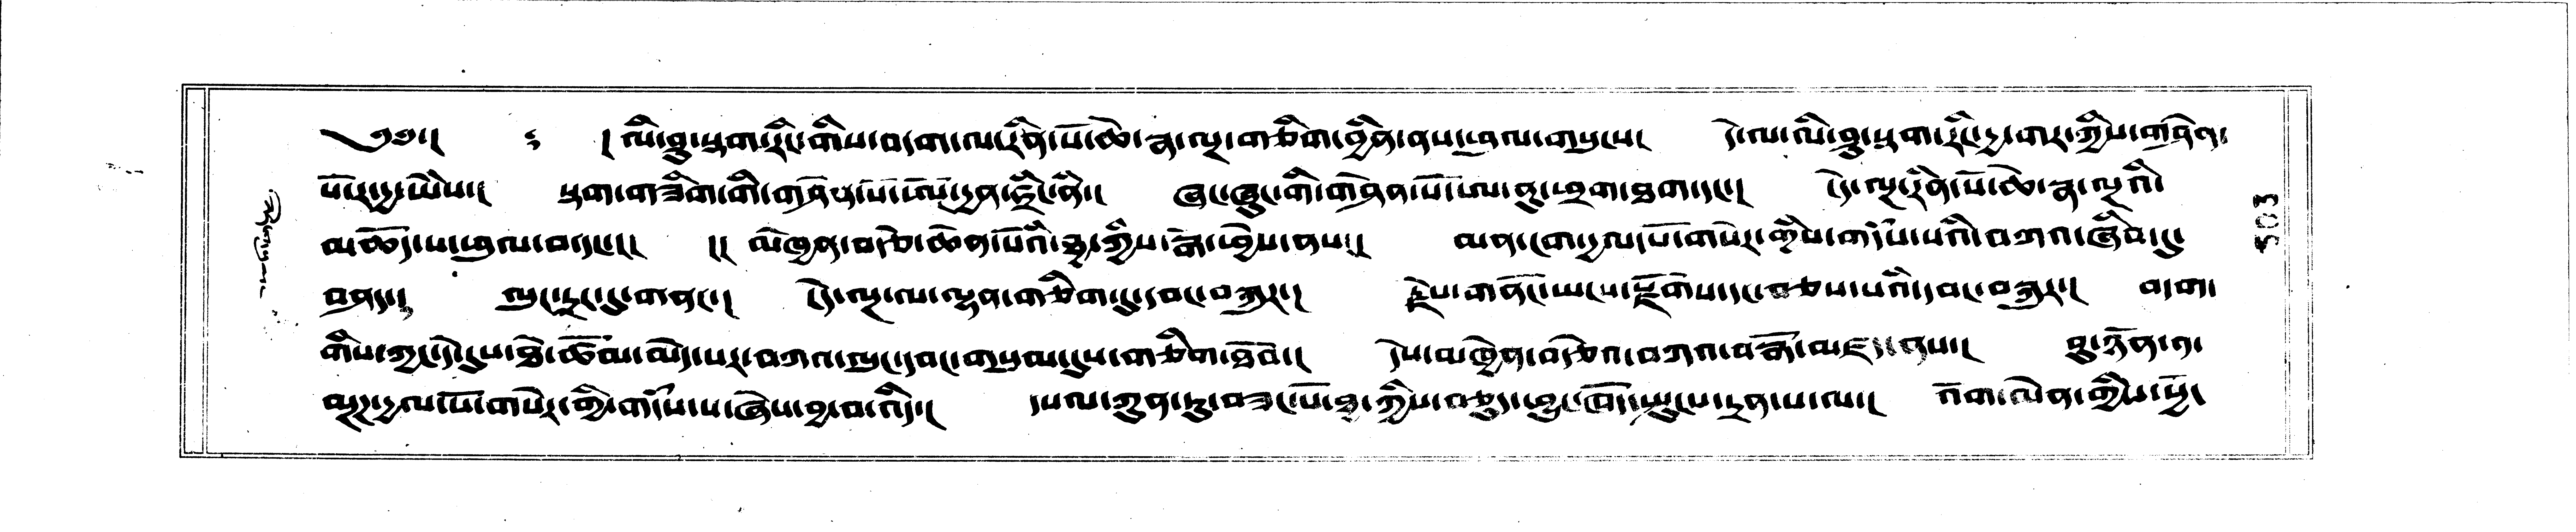ལི་ཤུ་སྟག་རིང་གིས། བདག་ལ་རིན་པོ་ཆེ་སྣ་ལྔ་གཅིག་བྱིན་ནས་ཕུལ་གསུངས། དེ་ལ་ལི་ཤུ་སྟག་རིང་། རྒྱ་གར་གཤེན་
པོ་ར་རྒྱ་ཡེ་ཤེས། སྟག་གཟིགས་གིས་གཤེན་པོ་ཨུར་”ཨོ”རྒྱན་ཧྲིང་ནི། ཞང་ཞུང་གིས་གཤེན་པོ་ཨ་ནུ་འཕྲག་ཐག་དང་། ངེད་ཅག་ལྔའི་རིན་པོ་ཆེ་སྣ་ལྔའི་
མཆོད་པ་ཕུལ་ནས། མཁྱེན་བརྩེ་ཆེན་པོའི་ཐུགས་ཀྱིས་སྒོ་ཕྱེས་ནས། མེན་ངག་རྒྱལ་པོ་གསེར་གདམ་པའི་བཀའ་ཞིབ་དུ་
བཤད། ལུང་དྲང་དུ་གནང་། ངེད་ལྔ་ལ་ལྷན་ཅིག་དུ་དབང་བསྐུར། རྗེས་གནང་ཡོངས་རྫོགས་དང་བཅས་པའི་དབང་བསྐུར། བདག་
གིས་ཀྱང་དེ་དུས་ཐེ་ཚོམ་མེད་པར་བཀའ་ལུང་དབང་གསུམ་དུས་ཅིག་ཏུ་ཐོབ། དེ་ནས་མཁྱེན་བརྩེ་ཆེན་པོས་བཀའ་བསྒོ་མཛད་ནས། བུ་ཉོན་ཅིག་
མེན་ངག་རྒྱལ་པོ་གསེར་གྱིས་གདམ་པ་ཞེས་བྱ་བ་འདི། དཔལ་ཀུན་དུ་བཟང་པོས་ཐུགས་ཀྱིས་བཅུད་ཕྱུང་ནས། ཁོད་སྤུངས་དྲན་པ་ནམ་མཁའ་ལ། འོག་མིན་གྱི་༼ས་སྤྱོད༽